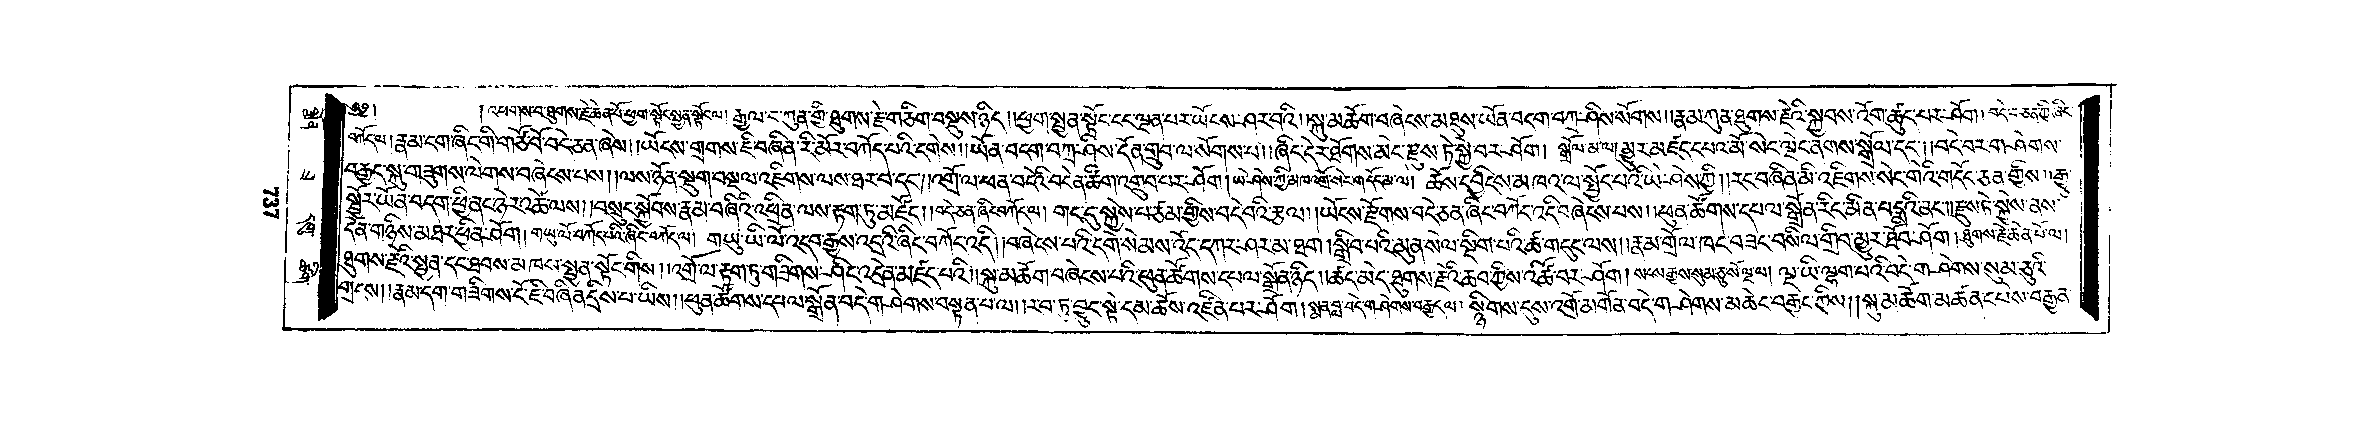༄༅། །འཕགས་པ་ཐུགས་རྗེ་ཆེན་པོ་ཕྱག་སྟོང་སྤྱན་སྟོང་ལ། རྒྱལ་བ་ཀུན་གྱི་ཐུགས་རྗེ་གཅིག་བསྡུས་ཉིད། །ཕྱག་སྤྱན་སྟོང་དང་ལྡན་པར་ཡོངས་ཤར་བའི། །སྐུ་མཆོག་བཞེངས་མཐུས་ཡོན་བདག་བཀྲ་ཤིས་སོགས། །རྣམ་ཀུན་ཐུགས་རྗེའི་སྐྱབས་འོག་ཚུད་པར་ཤོག །བདེ་བ་ཅན་ཀྱི་ཞིང་
བཀོད་ལ། རྣམ་དག་ཞིང་གི་གཙོ་བོ་བདེ་ཅན་ཞེས། །ཡོངས་གྲགས་ཇི་བཞིན་རི་མོར་བཀོད་པའི་དགེས། །ཡོན་བདག་བཀྲ་ཤིས་དོན་གྲུབ་ལ་སོགས་པ། །ཞིང་དེར་ཐོགས་མེད་རྫུས་ཏེ་སྐྱེ་བར་ཤོག །སྒྲོལ་མ་ལ། མྱུར་མཛད་དཔའ་མོ་སེང་ལྡེང་ནགས་སྒྲོལ་དང་། །བདེ་བར་གཤེགས་
བརྒྱད་སྐུ་གཟུགས་ལེགས་བཞེངས་པས། །ལས་ཉོན་སྡུག་བསྔལ་འཇིགས་ལས་ཐར་བ་དང་། །འགྲོ་ལ་ཕན་བདེའི་བདེན་ཚིག་འགྲུབ་པར་ཤོག །ཡེ་ཤེས་ཀྱི་མཁའ་འགྲོ་སེང་གདོད་མ་ལ། ཆོས་དབྱིངས་མཁའ་ལ་སྤྱོད་པའི་ཡེ་ཤེས་ཀྱི། །རང་བཞིན་མི་འཇིགས་སེང་གེའི་གདོང་ཅན་གྱིས། །རྒྱུ་
སྦྱོར་ཡོན་བདག་ཕྱི་ནང་ཉེར་འཚེ་ལས། །བསྲུང་སྐྱོབས་རྣམ་བཞིའི་འཕྲིན་ལས་རྟག་ཏུ་མཛོད། །བདེ་ཅན་ཞིང་བཀོད་ལ། གང་དུ་སྐྱེས་པ་ཙམ་གྱིས་བདེ་བའི་རྩལ། །ཡོངས་རྫོགས་བདེ་ཅན་ཞིང་བཀོད་འདི་བཞེངས་པས། །ཕུན་ཚོགས་དཔལ་སྒྲོན་རིང་མིན་པདམའི་ནང་། །རྫུས་ཏེ་སྐྱེས་ནས་
དོན་གཉིས་མཐར་ཕྱིན་ཤོག །གཡུ་ལོ་བཀོད་པའི་ཞིང་བཀོད་ལ། གཡུ་ཡི་ལོ་འདབ་རྒྱས་འདྲའི་ཞིང་བཀོད་འདི། །བཞེངས་པའི་དགེ་སེམས་འོད་དཀར་ཤར་མ་ཐག །སྒྲིབ་པའི་མུན་སེལ་སྡིག་པའི་ཚ་གདུང་ལས། །རྣམ་གྲོལ་ཁང་བཟང་བསིལ་གྲིབ་མྱུར་ཐོབ་ཤོག །ཐུགས་རྗེ་ཆེན་པོ་ལ།
ཐུགས་རྗེའི་སྤྱན་དང་ཐབས་མཁས་སྤྱན་སྟོང་གིས། །འགྲོ་ལ་རྟག་ཏུ་གཟིགས་ཤིང་འདྲེན་མཛད་པའི། །སྐུ་མཆོག་བཞེངས་པའི་ཕུན་ཚོགས་དཔལ་སྒྲོན་ཉིད། །ཚད་མེད་ཐུགས་རྗེའི་ཆབ་ཀྱིས་འཚོ་བར་ཤོག །སངས་རྒྱས་སུམ་ཅུ་སོ་ལྔ་ལ། ལྔ་ཡི་ལྷག་པའི་བདེ་གཤེགས་སུམ་ཅུའི་
གྲངས། །རྣམ་དག་གཟིགས་ངོ་ཇི་བཞིན་དྲིས་པ་ཡིས། །ཕུན་ཚོགས་དཔལ་སྒྲོན་བདེ་གཤེགས་བསྟན་པ་ལ། །རབ་ཏུ་བྱུང་སྟེ་དམ་ཆོས་འཛིན་པར་ཤོག །སྨན་བླ་བདེ་གཤེགས་བརྒྱད་ལ། སྙིགས་དུས་འགྲོ་མགོན་བདེ་གཤེགས་མཆེད་བརྒྱད་ཀྱིས། །སྐུ་མཆོག་མཚན་དཔས་བརྒྱན་